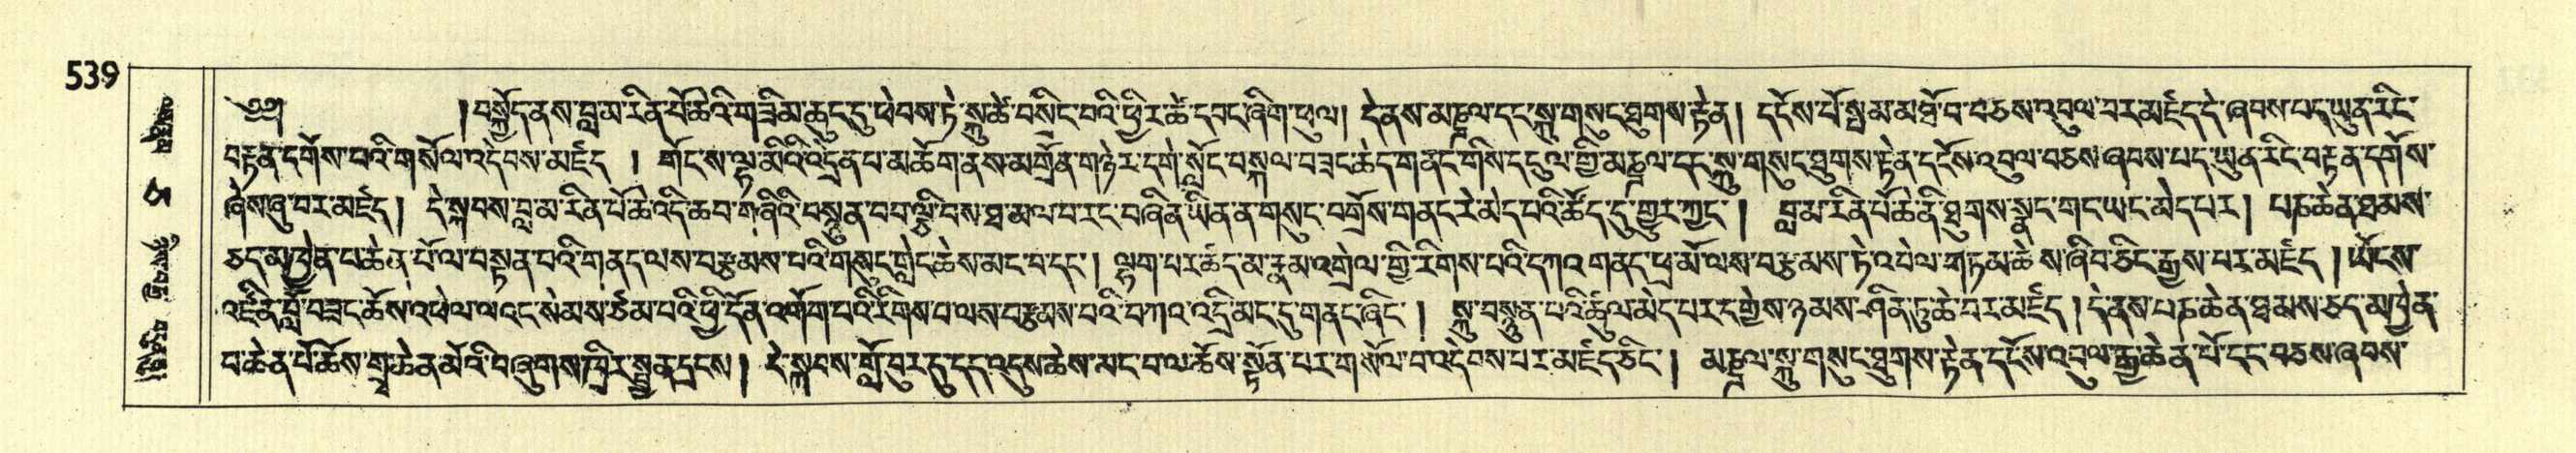༄༅། །བསྐྱོད་ནས་བླ་མ་རིན་པོ་ཆེའི་གཟིམ་ཆུང་དུ་ཕེབས་ཏེ་སྐུ་ཚེ་བསྲིང་བའི་ཕྱིར་ཚེ་དབང་ཞིག་ཕུལ། དེ་ནས་མཎྜལ་དང་སྐུ་གསུང་ཐུགས་རྟེན། དངོས་པོ་སྤམ་མཐོ་བ་བཅས་འབུལ་བར་མཛད་དེ་ཞབས་པད་ཡུན་རིང་
བརྟན་དགོས་པའི་གསོལ་འདེབས་མཛད། གོང་ས་ལྷ་མིའི་འདྲེན་པ་མཆོག་ནས་མགྲོན་གཉེར་དགེ་སློང་བསྐལ་བཟང་ཆེད་གནང་གིས་དངུལ་གྱི་མཎྜལ་དང་སྐུ་གསུང་ཐུགས་རྟེན་དངོས་འབུལ་བཅས་ཞབས་པད་ཡུན་རིང་བརྟན་དགོས་
ཞེས་ཞུ་བར་མཛད། དེ་སྐབས་བླ་མ་རིན་པོ་ཆེ་འདི་ཆབ་གཞིའི་བསྙུན་བབ་ལྕི་བས་ཐ་མལ་བ་རང་བཞིན་ཡིན་ན་གསུང་བགྲོས་གནང་རེ་མེད་པའི་ཚོད་དུ་གྱུར་ཀྱང་། བླ་མ་རིན་པོ་ཆེ་ནི་ཐུགས་སྣང་གང་ཡང་མེད་པར། པཎ་ཆེན་ཐམས་
ཅད་མཁྱེན་པ་ཆེན་པོ་ལ་བསྟན་པའི་གནད་ལས་བརྩམས་པའི་གསུང་གླེང་ཆེས་མང་བ་དང་། ལྷག་པར་ཚད་མ་རྣམ་འགྲེལ་གྱི་རིགས་པའི་དཀའ་གནང་ཕྲ་མོ་ལས་བརྩམས་ཏེ་འབྲེལ་གཏམ་ཆེས་ཞིབ་ཅིང་རྒྱས་པར་མཛད། ཡོངས་
འཛིན་བློ་བཟང་ཆོས་འཕེལ་ལའང་སེམས་ཙམ་པའི་ཕྱི་དོན་འགོག་པའི་རིགས་པ་ལས་བརྩམས་པའི་བཀའ་འདྲི་མང་དུ་གནང་ཞིང་། སྐུ་བསྙུན་པའི་ཚུལ་མེད་པར་དགྱེས་ཉམས་ཤིན་ཏུ་ཆེ་བར་མཛད། དེ་ནས་པཎ་ཆེན་ཐམས་ཅད་མཁྱེན་
པ་ཆེན་པོ་ཆོས་གྲྭ་ཆེན་མོའི་བཞུགས་ཁྲིར་སྤྱན་དྲངས། དེ་སྐབས་གློ་བུར་དུ་དད་འདུས་ཆེས་མང་བ་ལ་ཆོས་སྟོན་པར་གསོལ་བ་འདེབས་པར་མཛད་ཅིང་། མཎྜལ་སྐུ་གསུང་ཐུགས་རྟེན་དངོས་འབུལ་རྒྱ་ཆེན་པོ་དང་བཅས་ཞབས་